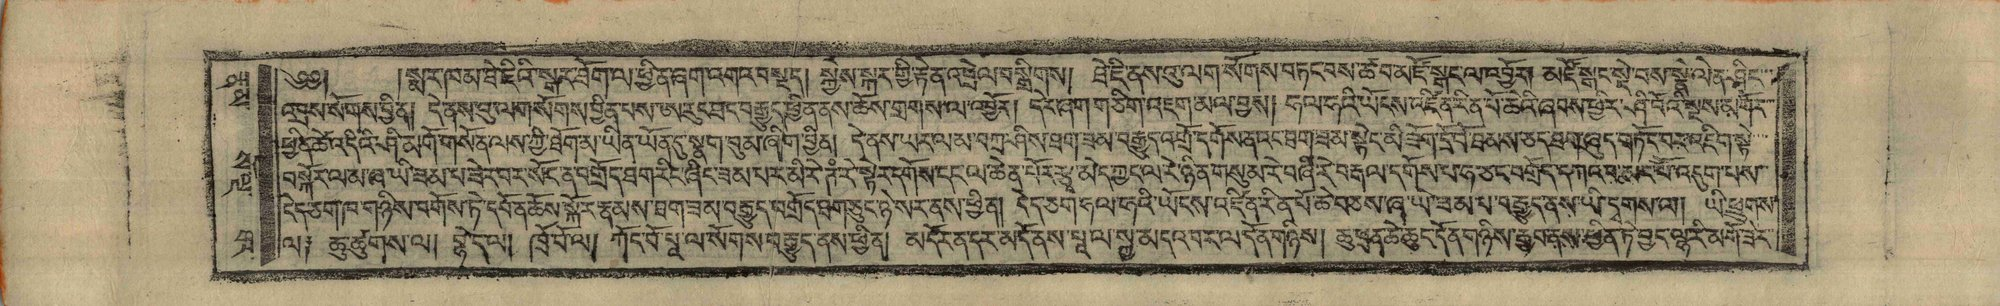༄༅། །སྨར་ཁམ་ཐེ་ཇིའི་སྒར་ཐོག་ལ་ཕྱིན་ཞག་འགའ་བསྡད། སྐྱེས་སྐར་གྱི་རྟེན་འབྲེལ་བསྒྲིགས། ཐེ་ཇི་ནས་འུ་ལག་སོགས་བཏང་བས་ཚ་བ་མཛོ་སྒང་ལ་འབྱོར། མཛོ་སྒང་སྡེ་བས་སྣེ་ལེན་ཤིང་
འབྲས་སོགས་བྱིན། དེ་ནས་འུ་ལག་སོགས་བྱིན་པས་ཨ་རུང་ཐང་བརྒྱུད་ཕྱིན་ནས་ཆོས་གྲགས་ལ་འབྱོར། དེར་ཞག་གཅིག་འཇག་མལ་བྱས། ཧལ་ཧའི་ཡོངས་འཛིན་རིན་པོ་ཆེའི་ཞབས་ཕྱིར་ཤི་བོའི་སྔས་མགོར་
ཕྱིན་ཚེ་འདིའི་ཤི་མགོ་གསོན་ལས་ཀྱི་ཐོག་མ་ཡིན་ཡོན་དུ་སྣག་བུམ་ཞིག་བྱིན། དེ་ནས་ཡར་ལམ་བཀྲ་ཤིས་ཐག་ཟམ་བརྒྱུད་འགྲོ་དགོས་ནའང་ཐག་ཟམ་སྟེང་མི་ཟོག་དྲོ་བོ་ཐམས་ཅད་ཐག་ཞུད་གཏོང་བར་འཇིག་སྟེ་
བསྐོར་ལམ་ཞ་ཡི་ཟམ་པ་ཟེར་བར་སོང་ན་བགྲོད་ཐག་རིང་ཞིང་ཟམ་པར་མི་རེ་ཊཾ་རེ་སྟེར་དགོས་དང་ལ་ཆེན་པོར་རྩྭ་མེད་ཀྱང་ལ་རེ་ཉིན་གསུམ་རེ་བཞི་རེ་བརྒལ་དགོས་པ་ཧ་ཅང་བགྲོད་དཀའ་བ་མང་པོ་འདུག་པས་
ངེད་ཅག་ཁ་གཉིས་བགོས་ཏེ་དཔོན་ཆོས་སྐོར་རྣམས་ཐག་ཟམ་བརྒྱུད་བགྲོད་ཐག་ཅུང་ཉེ་སར་ནས་ཕྱིན། ངེད་ཅག་ཧལ་ཧའི་ཡོངས་འཛིན་རིན་པོ་ཆེ་བཅས་ཞ་ཡེ་ཟམ་པ་བརྒྱུད་ནས་ཡི་དྭགས་ལ། ཡི་ཕྲུགས་
ལ། ཆུ་ཚུགས་ལ། བྷེ་ད་ལ། ཁྲོ་བོ་ལ། ཀོང་པོ་པཱ་ལ་སོགས་བརྒྱུད་ནས་ཕྱིན། མདོར་ན་དར་མདོ་ནས་པཱ་ལ་སྐྱ་མདའ་བར་ལ་དོན་གཉིས། ཆུ་ཕྲན་ཆེ་ཆུང་དོན་གཉིས་རྒྱབ་ནས་ཕྱིན་ཏེ་བྱང་ལྷ་རི་མགོ་ཟེར་